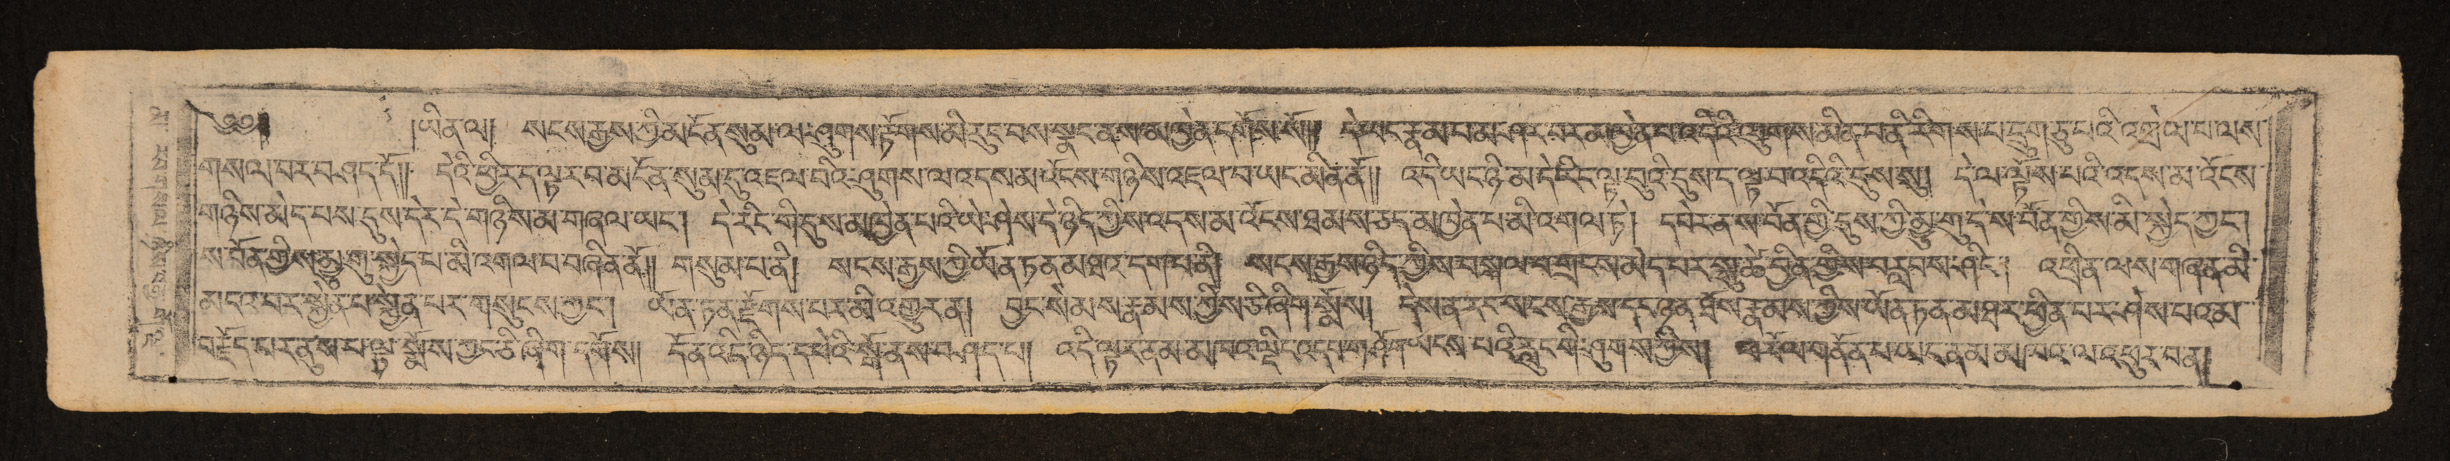༄༅། །ཡིན་ལ། སངས་རྒྱས་ཀྱི་མངོན་སུམ་ལ་ཤུགས་རྟོགས་མི་རུང་བས་སྣང་ནས་མཁྱེན་དགོས་སོ།། དེ་ཡང་རྣམ་པ་མ་ཤར་བར་མཁྱེན་པ་འདིའི་ལུགས་མིན་པ་ནི་རིགས་པ་དྲུག་ཅུ་པའི་འགྲེལ་པ་ལས་
གསལ་བར་བཤད་དོ།། དེའི་ཕྱིར་ད་ལྟར་བ་མངོན་སུམ་དུ་འཇལ་བའི་ཤུགས་ལ་འདས་མ་འོངས་གཉིས་འཇལ་བ་ཡང་མིན་ནོ།། འདི་ཡང་ཉི་མ་དེ་རིང་ལྟ་བུའི་དུས་ད་ལྟ་བ་འདིའི་དུས་སུ། དེ་ལ་ལྟོས་པའི་འདས་མ་འོངས་
གཉིས་མེད་པས་དུས་དེར་དེ་གཉིས་མ་གཞལ་ཡང་། དེ་རིང་གི་དུས་མཁྱེན་པའི་ཡེ་ཤེས་དེ་ཉིད་ཀྱིས་འདས་མ་འོངས་ཐམས་ཅད་མཁྱེན་པ་མི་འགལ་ཏེ། དཔེར་ན་ས་བོན་གྱི་དུས་ཀྱི་མྱུ་གུ་དེ་ས་བོན་གྱིས་མི་སྐྱེད་ཀྱང་།
ས་བོན་གྱིས་མྱུ་གུ་སྐྱེད་པ་མི་འགལ་བ་བཞིན་ནོ།། གསུམ་པ་ནི། སངས་རྒྱས་ཀྱི་ཡོན་ཏན་མཐའ་དག་པ་ནི། སངས་རྒྱས་ཉིད་ཀྱིས་བསྐལ་པ་གྲངས་མེད་པར་སྐུ་ཚེ་བྱིན་གྱིས་བརླབས་ཤིང་། འཕྲིན་ལས་གཞན་མི་
མངའ་བར་སྐྱེན་པ་སྐྱེན་པར་གསུངས་ཀྱང་། ཡོན་ཏན་རྫོགས་པར་མི་འགྱུར་ན། བྱང་སེམས་རྣམས་ཀྱིས་ཅི་ཞིག་སྨོས། དེས་ན་རང་སངས་རྒྱས་དང་ཉན་ཐོས་རྣམས་ཀྱིས་ཡོན་ཏན་མཐར་ཕྱིན་པར་ཤེས་པའམ་
བརྗོད་པར་ནུས་པ་ལྟ་སྨོས་ཀྱང་ཅི་ཞིག་དགོས། དོན་འདི་ཉིད་དཔེའི་སྒོ་ནས་བཤད་པ། འདི་ལྟར་ན་མཁའ་ལྡིང་འདབ་གཤོག་ཡངས་པའི་རླུང་གི་ཤུགས་ཀྱིས། ཕ་རོལ་གནོན་པ་ཡང་ནམ་མཁའ་ལ་འཕུར་བ་ན།